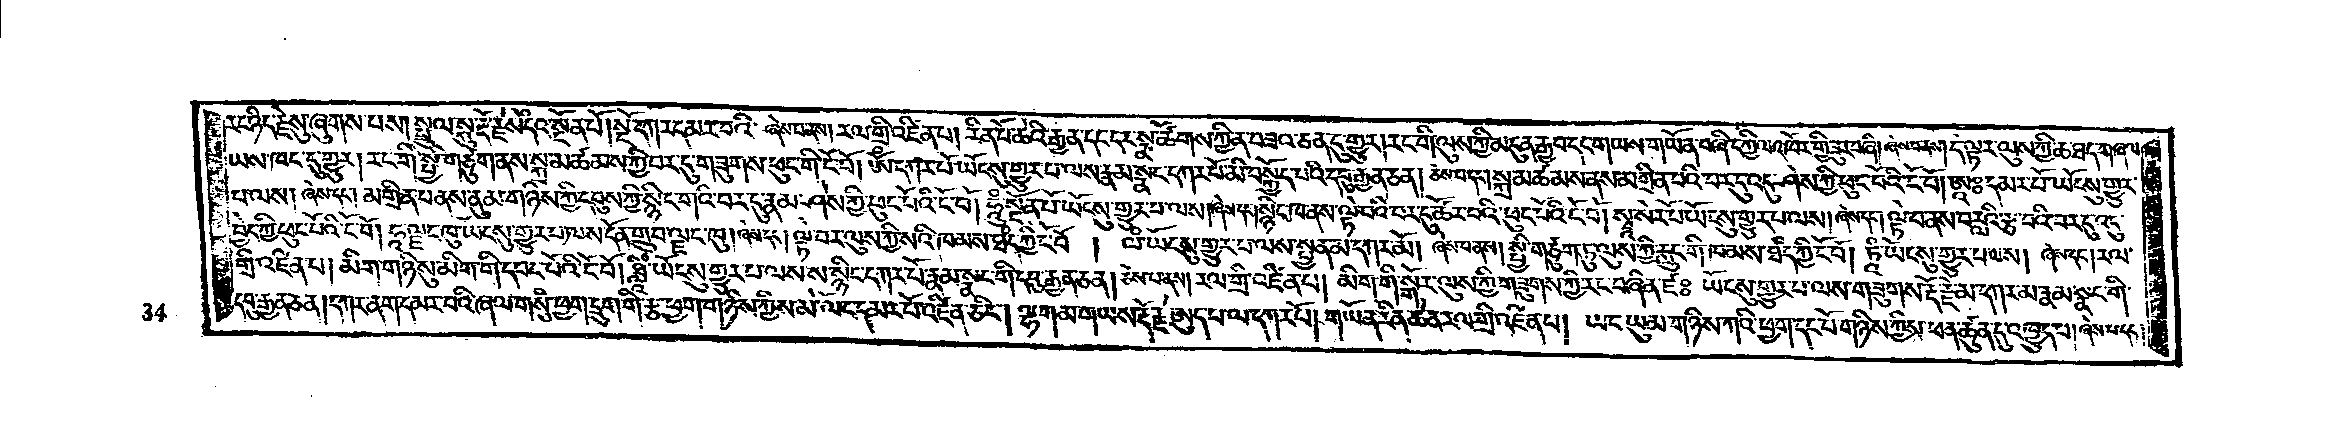རང་ཉིད་རྗེས་སུ་ཞུགས་པས། སྤྲུལ་སྐུ་རྡོ་རྗེ་སེམས་དཔའ་སྔོན་པོ། སྔོ་དཀར་དམར་བའི་ཞེས་པ་ནས།  རལ་གྲི་འཛིན་པ། རིན་པོ་ཆེའི་རྒྱན་དང་དར་སྣ་ཚོགས་ཀྱི་ན་བཟའ་ཅན་དུ་གྱུར། རང་གི་ལུས་ཀྱི་མདུན་རྒྱབ་དང་གཡས་གཡོན་བཞི་དཀྱིལ་འཁོར་གྱི་ཟུར་བཞི། ཞེས་པ་ནས།  དེ་ལྟར་ལུས་ཀྱི་ཆ་ཐམས་ཅད་གཞལ་
ཡས་ཁང་དུ་གྱུར། རང་གི་སྤྱི་གཙུག་ནས་སྐྲ་མཚམས་གྱི་བར་དུ་གཟུགས་ཕུང་གི་ངོ་བོ། ཨོཾ་དཀར་པོ་ཡོངས་སུ་གྱུར་པ་ལས་རྣམ་སྣང་དཀར་པོ་མི་བསྐྱོད་པའི་དབུ་རྒྱན་ཅན། ཞེས་དང། སྐྲ་མཚམས་ནས་མགྲིན་པའི་བར་དུ་འདུ་ཤེས་ཀྱི་ཕུང་པོའི་ངོ་བོ། ཨཱཿ དམར་པོ་ཡོངས་སུ་གྱུར་
པ་ལས། ཞེས་དང་།  མགྲིན་པ་ནས་ནུམ་གཉིས་ཀྱི་དབུས་ཀྱི་སྙིང་གའི་བར་དུ་རྣམ་ཤེས་ཀྱི་ཕུང་པོའི་ངོ་བོ། ཧཱུཾ་སྔོན་པོ་ཡོངས་སུ་གྱུར་པ་ལས། ཞེས་དང་།  སྙིང་ཁ་ནས་ལྟེ་བའི་བར་དུ་ཚོར་བའི་ཕུང་པོའི་ངོ་བོ། སྭཱ་སེར་པོ་ཡོངས་སུ་གྱུར་པ་ལས། ཞེས་དང་།  ལྟེ་བ་ནས་བརླའི་རྩ་བའི་བར་དུ་འདུ་
བྱེད་ཀྱི་ཕུང་པོའི་ངོ་བོ། ཧཱ་ལྗང་ཁུ་ཡོངས་སུ་གྱུར་པ་ལས་དོན་གྲུབ་ལྗང་ཁུ། ཞེས་དང་།  ལྟེ་བར་ལུས་ཀྱི་སའི་ཁམས་ཐམས་ཅད་ཀྱི་ངོ་བོ། ལཾ་ཡོངས་སུ་གྱུར་པ་ལས་སྤྱན་མ་དཀར་མོ། ཞེས་པ་ནས།  སྤྱི་གཙུག་ཏུ་ལུས་ཀྱི་རླུང་གི་ཁམས་ཐམས་ཅད་ཀྱི་ངོ་བོ། ཏཱཾ་ཡོངས་སུ་གྱུར་པ་ལས། ཞེས་དང་།  རལ་
གྲི་འཛིན་པ། མིག་གཉིས་སུ་མིག་གི་དབང་པོའི་ངོ་བོ། ཧཱུཾ་?་ཡོངས་སུ་གྱུར་པ་ལས་ས་སྙིང་དཀར་པོ་རྣམ་སྣང་གི་དབུ་རྒྱན་ཅན། ཅེས་པ་ནས།  རལ་གྲི་འཛིན་པ། མིག་གི་སྒོར་ལུས་ཀྱི་གཟུགས་ཀྱི་རང་བཞིན་ཛཿ ཡོངས་སུ་གྱུར་པ་ལས་གཟུགས་རྡོ་རྗེ་མ་དཀར་མོ་རྣམ་སྣང་གི་
དབུ་རྒྱན་ཅན། དཀར་ནག་དམར་བའི་ཞལ་གསུམ་ཕྱག་དྲུག་གི་རྩ་ཕྱག་གཉིས་ཀྱིས་མེ་ལོང་དམར་པོ་འཛིན་ཅིང་། ལྷག་མ་གཡས་རྡོ་རྗེ་ཨུད་པ་ལ་དཀར་པོ། གཡོན་རིན་ཆེན་རལ་གྲི་འཛིན་པ། ཡང་ཡུམ་གཉིས་ཀའི་ཕྱག་དང་པོ་གཉིས་ཀྱིས་ཕན་ཚུན་དུ་འཁྱུད་པ། ཞེས་པ་དང་།